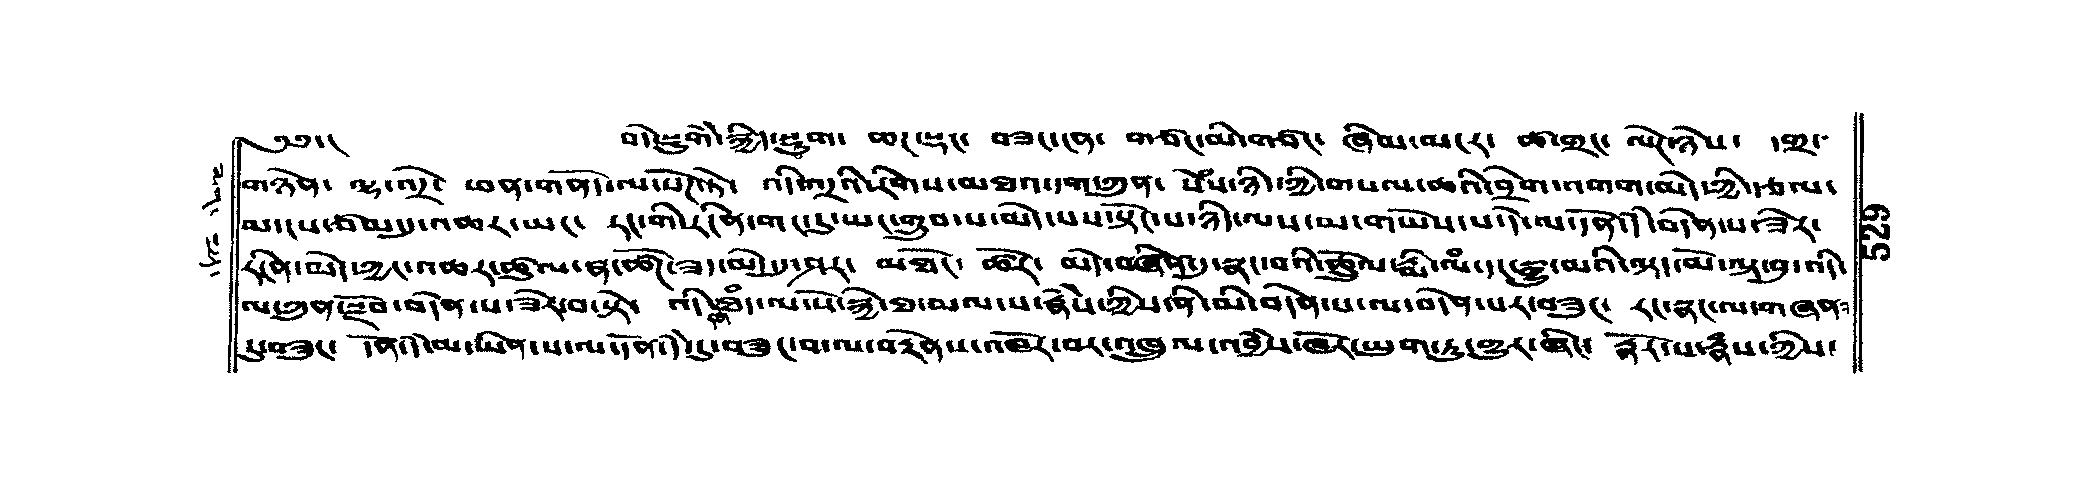བདེ་སྡུག་གམ་སྐྱིད་སྡུག ཆགས་སྡང་། བཟང་ངན། གཙང་མི་གཙང་། ཞིམ་མངར། ཚ་གྲང་། ལེགས་ཉེས། དགྲ་
གཉེན། ལྷ་འདྲེ། ཕན་གནོད་ལ་སོགས་ཏེ། འདི་འདྲའི་རིགས་མཐའ་དག་ཀུན། སེམས་ཉིད་ཀྱི་གསལ་ཆའི་བྱེ་བྲག་འགག་མེད་ཀྱི་རྩལ་
མདངས་ཙམ་དུ་འཆར་ཡང་། རང་གི་རང་བཞིན་གང་དུ་ཡང་གྲུབ་པ་མེད་པས་སྟོང་བ་ཉིད་ལས་མ་གཡོས་པ་དེ་ལ་དོན་དམ་བདེན་པ་ཟེར། 
རང་བཞིན་མེད་ཀྱང་འཆར་ཚུལ་སྣ་ཚོགས་ཟད་མེད་དུ་ཤར། མཐོང་། ཚོར། མེད་བཞིན་དུ་སྣང་བའི་ཆོ་འཕྲུལ་རྨི་ལམ་དང་སྒྱུ་མའི་ལྟད་མོ་ལྟ་བུ་འདི་
ལ་ཀུན་རྫོབ་བདེན་པ་ཟེར་བ་སྟེ། འདི་དག་ཐམས་ཅད་ལ་སོ་སྐྱེ་ཐ་མལ་པ་རྣམས་ཀྱིས་ནི་མི་བདེན་པ་ལ་བདེན་པར་བཟུང་། རང་སྣང་ལ་གཞན་
དུ་བཟུང་། དོན་དམ་མ་ཡིན་པ་ལ་དོན་དམ་དུ་བཟུང་བ་ལ་བརྟེན་ནས་འཁོར་བར་འཁྲུལ་འབྱམས་ཁོར་ཡུག་ཏུ་གྱུར་ཞིང་། རྣལ་འབྱོར་པ་རྣམས་ཀྱིས་